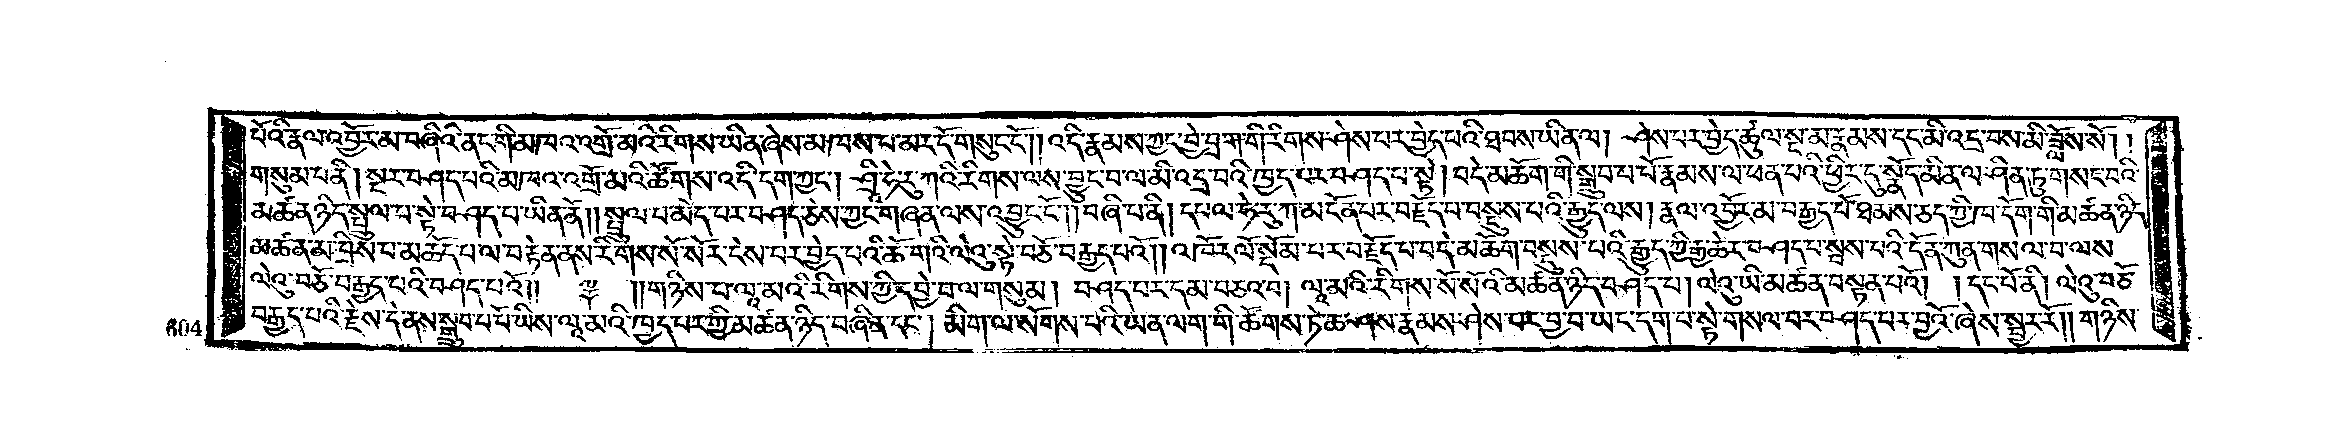པོའི་རྣལ་འབྱོར་མ་བཞིའི་ནང་གི་མཁའ་འགྲོ་མའི་རིགས་ཡིན་ཞེས་མཁས་པ་མར་དོ་གསུང་ངོ། །འདི་རྣམས་ཀྱང་བྱེ་བྲག་གི་རིགས་ཤེས་པར་བྱེད་པའི་ཐབས་ཡིན་ལ། ཤེས་པར་བྱེད་ཆུལ་སྔ་མ་རྣམས་དང་མི་འདྲ་བས་མི་ཟློས་སོ། །
གསུམ་པ་ནི། སྔར་བཤད་པའི་མཁའ་འགྲོ་མའི་ཚིགས་འདི་དག་ཀྱང་། ཤྲཱི་ཧེ་རུ་ཀའི་རིགས་ལས་བྱུང་བ་ལ་མི་འདྲ་བའི་ཁྱད་པར་བཤད་པ་སྟེ། བདེ་མཆོག་གི་སྒྲུབ་པ་པོ་རྣམས་ལ་ཕན་པའི་ཕྱིར་དུ་སྣོད་མིན་ལ་ཤིན་ཏུ་གསང་བའི་
མཚན་ཉིད་སྤྲུལ་པ་སྟེ་བཤད་པ་ཡིན་ནོ། །སྤྲུལ་པ་མེད་པར་བཤད་ཅེས་ཀྱང་གཞན་ལས་འབྱུང་ངོ། །བཞི་པ་ནི། དཔལ་ཧེ་རུ་ཀ་མངོན་པར་བརྗོད་པ་བསྡུས་པའི་རྒྱུད་ལས། རྣལ་འབྱོར་མ་བརྒྱད་པོ་ཐམས་ཅད་ཀྱི་ཁ་དོག་གི་མཚན་ཉིད་
མཚན་མ་བྲིས་པ་མཆོད་པ་ལ་བརྟེན་ནས་རིགས་སོ་སོར་ངེས་པར་བྱེད་པའི་ཆོ་གའི་ལེའུ་སྟེ་བཅོ་བརྒྱད་པའོ། །འཁོར་ལོ་སྡོམ་པར་བརྗོད་པ་བདེ་མཆོག་བསྡུས་པའི་རྒྱུད་ཀྱི་རྒྱ་ཆེར་བཤད་པ་སྦས་པའི་དོན་ཀུན་གསལ་པ་ལས་
ལེའུ་བཅོ་བརྒྱད་པའི་བཤད་པའོ།། ༈ །།གཉིས་པ་ལཱ་མའི་རིགས་ཀྱི་དབྱེ་བ་ལ་གསུམ། བཤད་པར་དམ་བཅའ་བ། ལཱ་མའི་རིགས་སོ་སོའི་མཚན་ཉིད་བཤད་པ། ལེའུ་ཡི་མཚན་བསྟན་པའོ། །དང་པོ་ནི། ལེའུ་བཅོ་
བརྒྱད་པའི་རྗེས་དེ་ནས་སྒྲུབ་པ་པོ་ཡིས་ལཱ་མའི་ཁྱད་པར་གྱི་མཚན་ཉིད་བཞིན་དང་། མིག་ལ་སོགས་པའི་ཡན་ལག་གི་ཚོགས་ཏེ་ཆ་ཤས་རྣམས་ཤེས་པར་བྱ་བ་ཡང་དག་པ་སྟེ་གསལ་པར་བཤད་པར་བྱའོ་ཞེས་སྦྱར་རོ། །གཉིས་